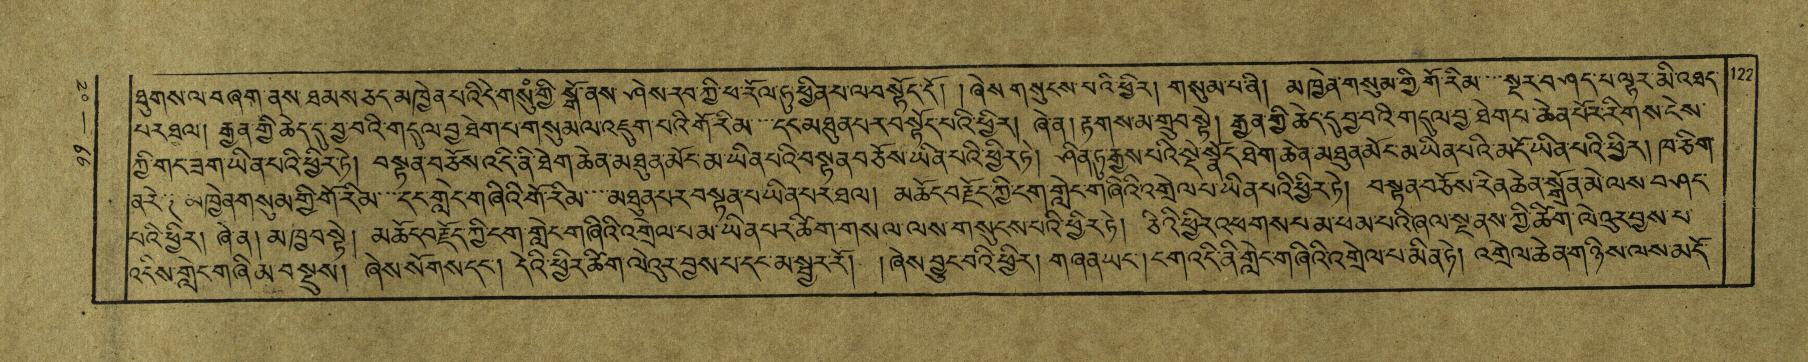ཐུགས་ལ་བཞག་ནས་ཐམས་ཅད་མཁྱེན་པའི་དེ་གསུཾ་གྱི་སྒོ་ནས་ཤེས་རབ་ཀྱི་ཕ་རོལ་ཏུ་ཕྱིན་པ་ལ་བསྟོད་དོ། །ཞེས་གསུངས་པའི་ཕྱིར། གསུམ་པ་ནི། མཁྱེན་གསུམ་གྱི་གོ་རིམ་སྔར་བཤད་པ་ལྟར་མི་འཐད་
པར་ཐལ། རྒྱན་གྱི་ཆེད་དུ་བྱ་བའི་གདུལ་བྱ་ཐེག་པ་གསུམ་ལ་འཇུག་པའི་གོ་རིམ་དང་མཐུན་པར་བསྟོད་པའི་ཕྱིར། ཞེ་ན། རྟགས་མ་གྲུབ་སྟེ། རྒྱན་གྱི་ཆེད་དུ་བྱ་བའི་གདུལ་བྱ་ཐེག་པ་ཆེན་པོར་རིགས་ངེས་
ཀྱི་གང་ཟག་ཡིན་པའི་ཕྱིར་ཏེ། བསྟན་བཅོས་འདི་ནི་ཐེག་ཆེན་མཐུན་མོང་མ་ཡིན་པའི་བསྟན་བཅོས་ཡིན་པའི་ཕྱིར་ཏེ། ཤིན་ཏུ་རྒྱས་པའི་སྡེ་སྣོད་ཐེག་ཆེན་མཐུན་མོང་མ་ཡིན་པའི་མདོ་ཡིན་པའི་ཕྱིར། ཁ་ཅིག་
ན་རེ༑ མཁྱེན་གསུམ་གྱི་གོ་རིམ་དང་གླེང་གཞིའི་གོ་རིམ་མཐུན་པར་བསྟན་པ་ཡིན་པར་ཐལ། མཆོད་བརྗོད་ཀྱི་ངག་གླེང་གཞིའི་འགྲེལ་པ་ཡིན་པའི་ཕྱིར་ཏེ། བསྟན་བཅོས་རིན་ཆེན་སྒྲོན་མེ་ལས་བཤད་
པའི་ཕྱིར། ཞེ་ན། མ་ཁྱབ་སྟེ། མཆོད་བརྗོད་ཀྱི་ངག་གླེང་གཞིའི་འགྲེལ་པ་མ་ཡིན་པར་ཚིག་གསལ་ལས་གསུངས་པའི་ཕྱིར་ཏེ། ཅིའི་ཕྱིར་འཕགས་པ་མ་ཕམ་པའི་ཞལ་སྔ་ནས་ཀྱི་ཚིག་ལེ་འུར་བྱས་པ་
འདིས་གླེང་གཞི་མ་བསྡུས། ཞེས་སོགས་དང་། དེའི་ཕྱིར་ཚིག་ལེའུར་བྱས་པ་དང་མ་སྦྱར་རོ། །ཞེས་བྱུང་བའི་ཕྱིར། གཞན་ཡང་། ངག་འདི་ནི་གླེང་གཞིའི་འགྲེལ་པ་མིན་ཏེ། འགྲེལ་ཆེན་གཉིས་ལས་མདོ་